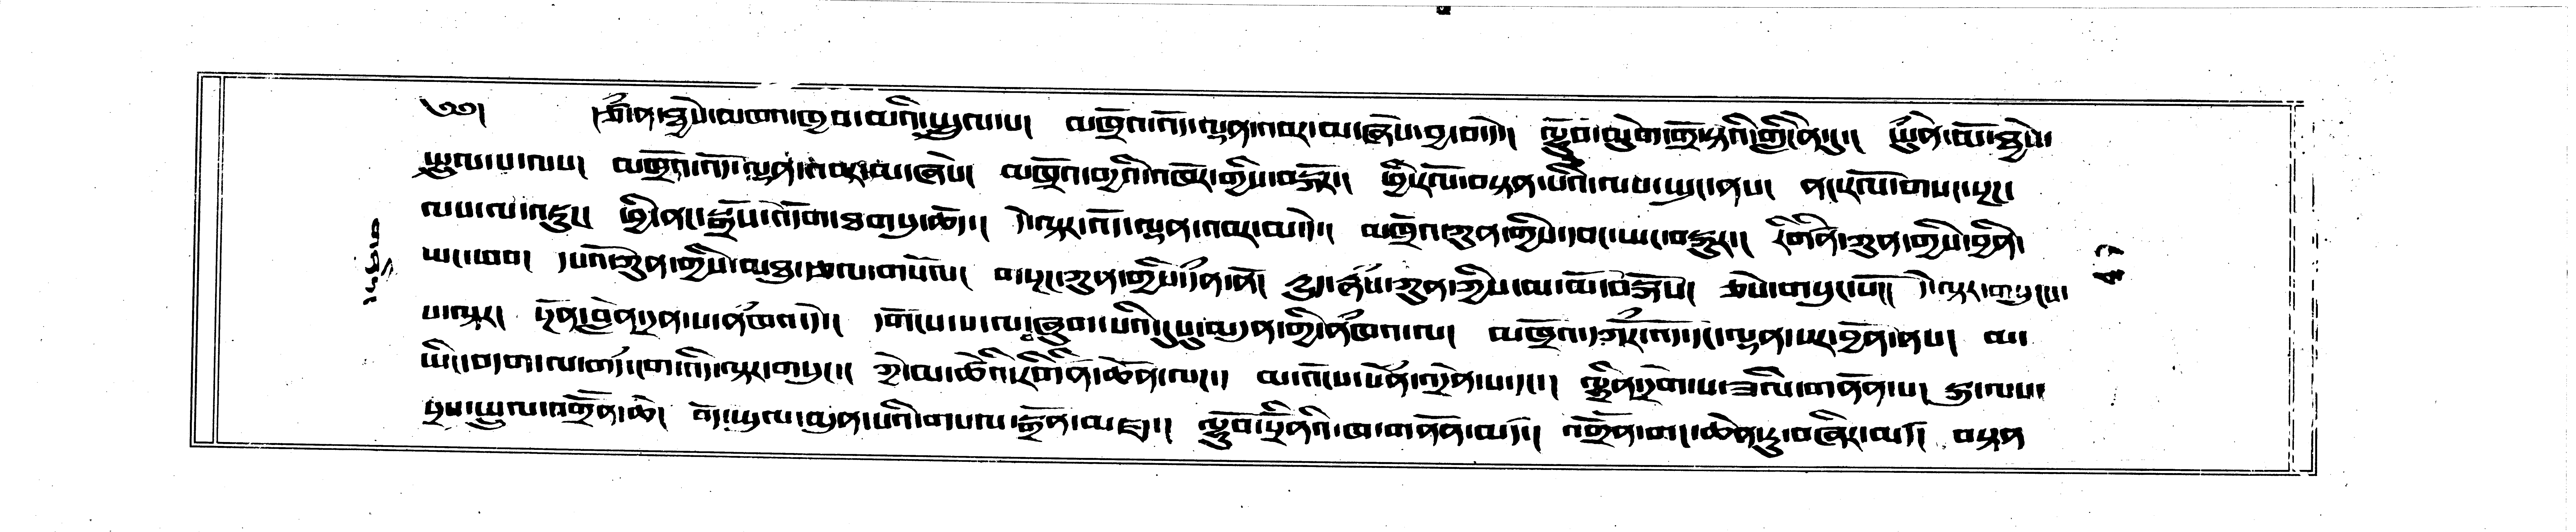ཙམ་ན་ཐུགས་རྗེ་མཁའ་ཁྱབ་མའི་སྤྲུལ་པ། མཁའ་འགྲོ་འོད་ལྡན་འབར་མ་ཞེས་བྱ་བ་དེ། ལྷོ་ནུབ་མུ་སྟེགས་གྲོ་སྟའི་གླིང་ཆེན་དུ། ཡུམ་ཆེན་མོ་ཐུགས་རྗེ་
སྤྲུལ་པ་ལས། མཁའ་འགྲོ་འོད་ལྡན་འབར་མ་ཞེས། མཁའ་འགྲོ་བརྒྱ་ཡིས་འཁོར་གྱིས་བསྐོར། ཕྱི་རོལ་བསྟན་པའི་ལས་སྤངས་ནས། ནང་རོལ་གསང་སྔགས་
ལས་ལ་འཇུག། ཕྱི་རོལ་གསང་སྔགས་ལས་ལ་འཇུག ཕྱི་ནང་སྒྲོ་འདོགས་ཐགས་སུ་ཆོད། དེ་ལྟར་འོད་ལྡན་འབར་མ་དེ། མཁའ་འགྲོ་ཀུན་གྱི་དབང་ཡང་བསྐུར། རིག་འཛིན་ཀུན་གྱི་བྱིན་
ཡང་ཕབ། དཔའ་བོ་ཀུན་གྱིས་མཐུ་རྩལ་གསོལ། གསང་སྔགས་ཀུན་གྱི་དམ་ཅན་ནོ། རྒྱུད་རྣམས་ཀུན་གྱི་མ་མོ་བསྐོས། ཅེས་གསུངས་སོ། །དེ་ལྟར་གསུངས་
པ་ལྟར། སྔོན་བླ་ཆེན་དྲན་པ་ནམ་མཁའ་དེ། དགོངས་པ་ལ་བཞུགས་པའི་དུས་སུ་མདུན་གྱི་ནམ་མཁའ་ལ། མཁའ་འགྲོ་དཀར་མོ་འོད་དང་ལྡན་པར་བྱོན་ནས། མ་
ཡེངས་བདག་ལ་གདམས་ངག་འདི་ལྟར་གསུངས། ཀྱེ་མ་ཚེ་ཡི་རིག་འཛིན་ཆེན་པོ་ལགས། མ་འོངས་སེམས་ཅན་འདྲེན་པ་དང་། ལྷ་སྲིན་དྲེགས་པ་ཟིལ་གནོན་པ། སྐུ་ལས་
སྲས་སྤྲུལ་འགྲོ་དོན་ཆེ། བོད་ཡུལ་མུན་པའི་གསལ་སྒྲོན་མཛད། ལྷོ་ནུབ་སྲིན་པོའི་ཁ་གནོན་མཛད། འགྲོ་དོན་གངས་ཆེན་རུ་བཞིར་མཛད། བསྟན་